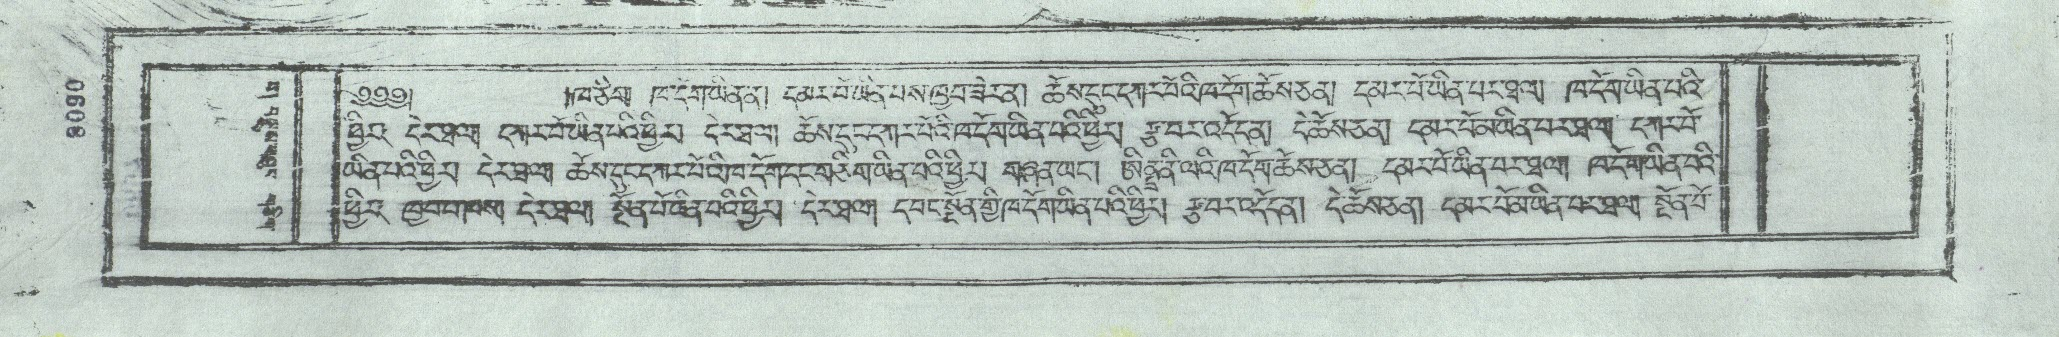༄༅༅། །ཁ་ཅིག། ཁ་དོག་ཡིན་ན། དམར་པོ་ཡིན་པས་ཁྱབ་ཟེར་ན། ཆོས་དུང་དཀར་པོའི་ཁ་དོག་ཆོས་ཅན། དམར་པོ་ཡིན་པར་ཐལ། ཁ་དོག་ཡིན་པའི་
ཕྱིར༑ དེར་ཐལ། དཀར་པོ་ཡིན་པའི་ཕྱིར། དེར་ཐལ། ཆོས་དུང་དཀར་པོའི་ཁ་དོག་ཡིན་པའི་ཕྱིར། རྩ་བར་འདོད་ན། དེ་ཆོས་ཅན། དམར་པོ་མ་ཡིན་པར་ཐལ། དཀར་པོ་
ཡིན་པའི་ཕྱིར། དེར་ཐལ། ཆོས་དུང་དཀར་པོའི་ཁ་དོག་དང་གཅིག་ཡིན་པའི་ཕྱིར། གཞན་ཡང་། ཨིནྡྲ་ནི་ལའི་ཁ་དོག་ཆོས་ཅན། དམར་པོ་ཡིན་པར་ཐལ། ཁ་དོག་ཡིན་པའི་
ཕྱིར༑ ཁྱབ་པ་ཁས། དེར་ཐལ། སྔོན་པོ་ཡིན་པའི་ཕྱིར། དེར་ཐལ། དབང་སྔོན་གྱི་ཁ་དོག་ཡིན་པའི་ཕྱིར། རྩ་བར་འདོད་ན། དེ་ཆོས་ཅན་དམར་པོ་མ་ཡིན་པར་ཐལ། སྔོན་པོ་